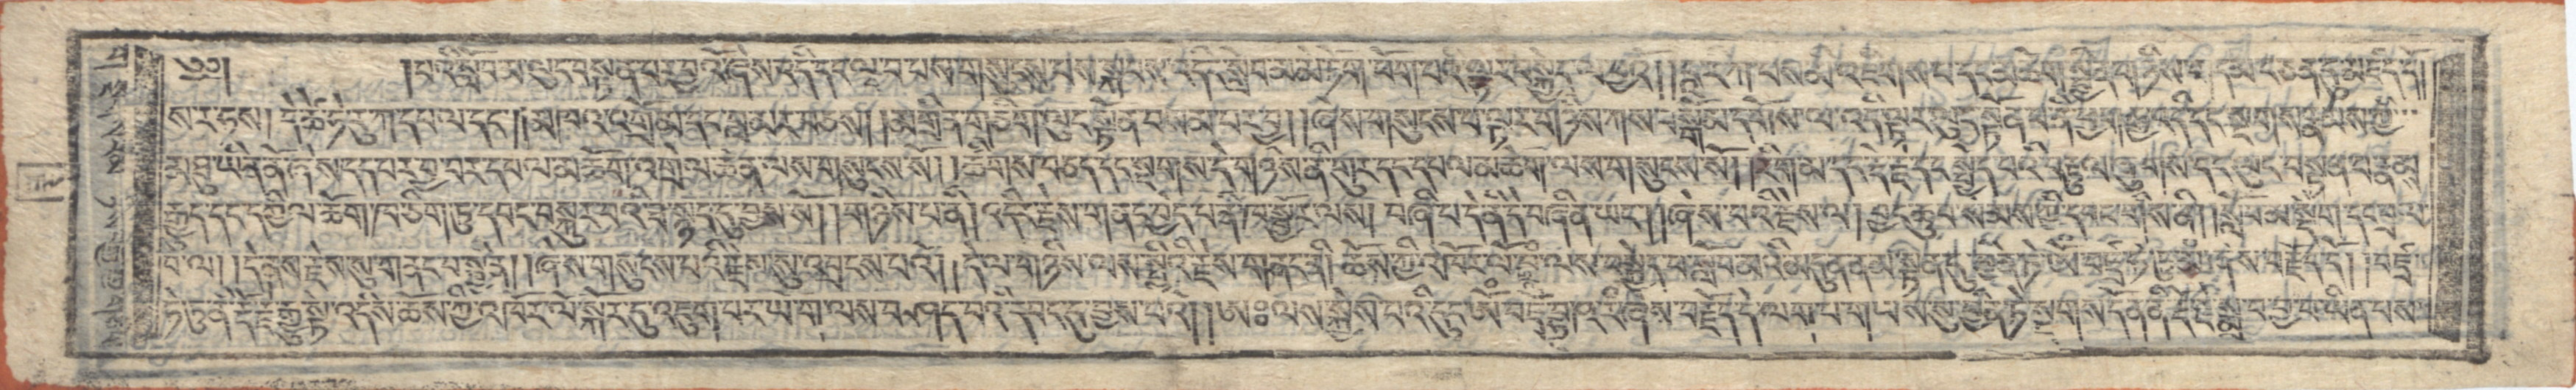༄༅། །པའི་སློབ་མ་ལུང་བསྟན་པར་བྱའོ་ཞེས་འདི་དང་ལྭ་བ་པས་གསུངས་པས་སྐབས་འདིར་སློབ་མ་མེ་ཏོག་ཕོག་པའི་ལྷར་བསྐྱེད་ལ་བྱའོ། །དཱ་རི་ཀ་པས་མི་འཇིགས་པ་དང་མཆོག་སྦྱིན་གཉིས་གདམ་ང་ཅན་དུ་མཛད་དོ།
ས་ར་ཧས། དེ་ཚེ་ཧེ་རུ་ཀ་དཔལ་དང་། །མཁའ་འགྲོ་མ་དང་བླ་མར་བཅས། །མགྲིན་གཅིག་ལུང་སྟོན་བསམ་པར་བྱ། །ཞེས་གསུངས་པ་ལྟར་གཉིས་ཀས་བསྒོམ་དགོས་ལ་འདི་ལྟར་ལུང་སྟོན་པ་ནི་ཕྱག་རྒྱ་འདི་དང་སྔགས་རྣམས་ཀྱི་
མཐུ་ཡིན་ནོ་ཞེས་དད་པར་བྱ་བར་དཔལ་མཆོག་འགྲེལ་ཆེན་ལས་གསུངས་སོ། །ཚིགས་བཅད་དང་སྔགས་དེ་གཉིས་ནི་གུར་དང་དཔལ་མཆོག་ལས་གསུངས་སོ། །རིག་མ་དང་རྡོ་རྗེ་དང་སྤྱོད་པའི་བརྟུལ་ཞུགས་དང་ལུང་བསྟན་པ་རྣམས་
རྒྱུད་དང་དཀྱིལ་ཆོག་ཁ་ཅིག་ཏུ་དབང་བསྐུར་བའི་ཐ་སྙད་དུ་བྱས་སོ། །གཉིས་པ་ནི། འདིར་རྗེས་གནང་བྱེད་པ་ནི་ཁ་སྦྱོར་ལས། བཞི་པ་དེ་ནི་དེ་བཞིན་ཡང་། །ཞེས་པའི་རྗེས་ལ། བྱང་ཆུབ་སེམས་ཀྱི་དབང་གིས་ནི། །སློབ་མ་སྡིག་དང་བྲལ་
བ་ལ། །དེ་ནས་རྗེས་སུ་གནང་བ་སྦྱིན། །ཞེས་གསུངས་པའི་རྗེས་སུ་འབྲངས་པའོ། །དེ་ལ་གཉིས་ལས་སྤྱིའི་རྗེས་གནང་ནི། ཆོས་ཀྱི་འཁོར་ལོ་བྷྲཱུཾ་ལས་བསྐྱེད་པ་སློབ་མའི་མདུན་ནམ་སྟན་དུ་བྱིན་ཏེ་ཨོཾ་བཛྲ་ཧེ་ཏུ་མཾ་ཞེས་བརྗོད་དོ། །བཛྲ་
ཧེ་ཏུ་ནི་རྡོ་རྗེ་རྒྱུ་སྟེ་འདིས་ཆོས་ཀྱི་འཁོར་ལོ་སྐོར་དུ་འཇུག་པར་ཡོ་ག་ལས་བཤད་པའི་དབང་དུ་བྱས་པའོ། །ཨཿ ལས་སྐྱེས་པའི་དུང་ཨོཾ་བཛྲ་བྷཱ་ཥ་རཾ་ཞེས་བརྗོད་དེ་ལག་པ་གཡས་སུ་བྱིན་ཏེ་སྔགས་དོན་ནི་རྡོ་རྗེ་སྨྲ་བ་བྱ་བ་ཡིན་པས་